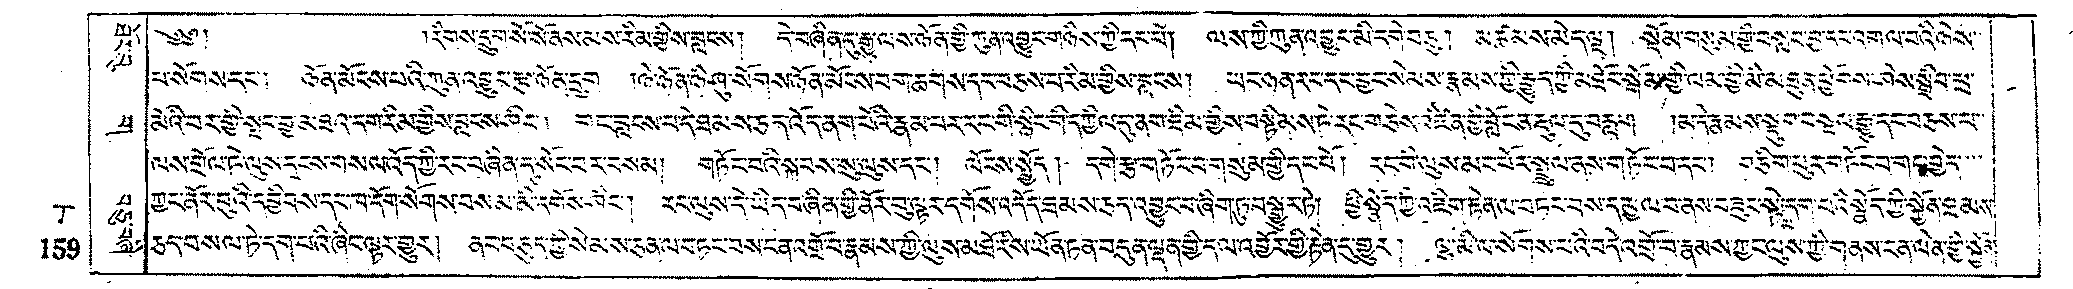༄༅། །རིགས་དྲུག་སོ་སོ་ནས་མས་རིམ་གྱིས་བླངས། དེ་བཞིན་དུ་རྒྱུ་ལས་ཉོན་གྱི་ཀུན་འབྱུང་གཉིས་ཀྱི་དང་པོ། ལས་ཀྱི་ཀུན་འབྱུང་མི་དགེ་བཅུ། མཚམས་མེད་ལྔ། སྡོམ་གསུམ་གྱི་བསླབ་བྱ་དང་འགལ་བའི་ཉེས་
པ་སོགས་དང་། ཉོན་མོངས་པའི་ཀུན་འབྱུང་རྩ་ཉོན་དྲུག །ཉེ་ཉོན་ཉི་ཤུ་སོགས་ཉོན་མོངས་བག་ཆགས་དང་བཅས་པ་རིམ་གྱིས་བླངས། ཡང་ཉན་རང་དང་བྱང་སེམས་རྣམས་ཀྱི་རྒྱུད་ཀྱི་མཐོང་སྒོམ་གྱི་ལམ་གྱི་མི་མཐུན་ཕྱོགས་ཤེས་སྒྲིབ་ཕྲ་
མོའི་བར་གྱི་སྤང་བྱ་མཐའ་དག་རིམ་གྱིས་བླངས་ཤིང་། གང་བླངས་པ་དེ་ཐམས་ཅད་འོད་ནག་པོའི་རྣམ་པར་རང་གི་སྙིང་གི་དཀྱིལ་དུ་ནག་ཐིམ་གྱིས་བསྟིམས་ཏེ་རང་གཅེས་འཛིན་གྱི་བློ་ངན་རྡུལ་དུ་བརླག །མ་དེ་རྣམས་སྡུག་བསྔལ་རྒྱུ་དང་བཅས་པ་་་
ལས་གྲོལ་ཏེ་ལུས་དྲངས་གསལ་འོད་ཀྱི་རང་བཞིན་དུ་སོང་བར་བསམ། གཏོང་བའི་སྐབས་སུ་ལུས་དང་། ལོངས་སྤྱོད། དགེ་རྩ་གཏོང་བ་གསུམ་གྱི་དང་པོ། རང་གི་ལུས་མང་པོར་སྤྲུལ་ནས་གཏོང་བ་དང་། གཅིག་པུར་གཏོང་བ་གང་བྱེད་་་
ཀྱང་ནོར་བུའི་དབྱིབས་དང་ཁ་དོག་སོགས་བསམ་མི་དགོས་ཤིང་། རང་ལུས་དེ་ཡིད་བཞིན་གྱི་ནོར་བུ་ལྟར་དགོས་འདོད་ཐམས་ཅད་འབྱུང་བ་ཞིག་ཏུ་བསྒྱུར་ཏེ། ཕྱི་སྣོད་ཀྱི་འཇིག་རྟེན་ལ་བཏང་བས་དམྱལ་བ་ནས་བཟུང་སྟེ་མ་དག་པའི་སྣོད་ཀྱི་སྐྱོན་ཐམས་
ཅད་བསལ་ཏེ་དག་པའི་ཞིང་ལྟར་གྱུར། ནང་བཅུད་ཀྱི་སེམས་ཅན་ལ་བཏང་བས་ངན་འགྲོ་བ་རྣམས་ཀྱི་ལུས་མཐོ་རིས་ཡོན་ཏན་བདུན་ལྡན་གྱི་དལ་འབྱོར་གྱི་རྟེན་དུ་གྱུར། ལྷ་མི་ལ་སོགས་པའི་བདེ་འགྲོ་བ་རྣམས་ཀྱང་ལུས་ཀྱི་གནས་ངན་ལེན་གྱི་སྐྱོན་